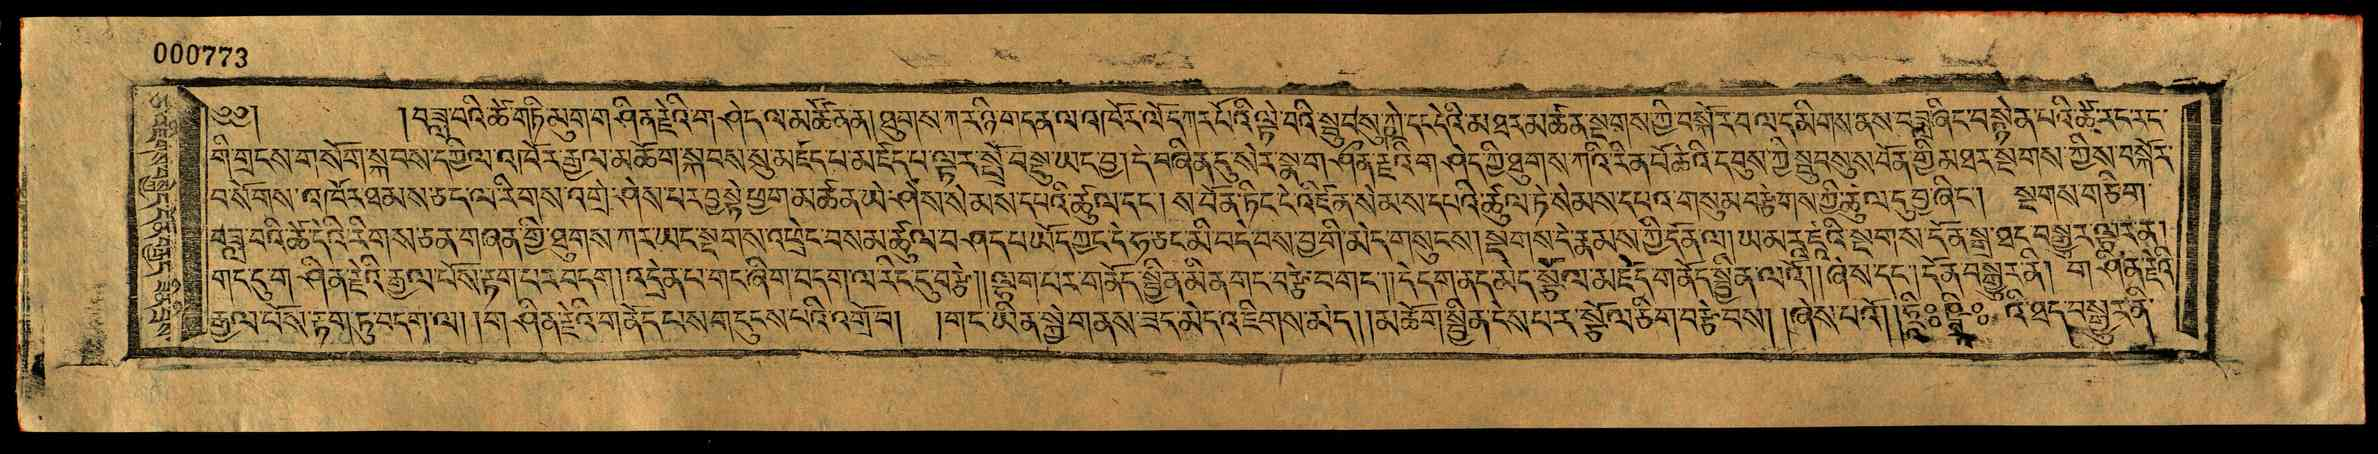༄༅། །བཟླ་བའི་ཚེ་གཏི་མུག་གཤིན་རྗེའི་གཤེད་ལ་མཚོན་ན། ཐུགས་ཀར་ཉི་གདན་ལ་འཁོར་ལོ་དཀར་པོའི་ལྟེ་བའི་སྦུབས་སུ་ཀྵེ་དང་དེའི་མཐར་མཚན་སྔགས་ཀྱི་བསྐོར་བ་ལ་དམིགས་ནས་བཟླ་ཞིང་བསྙེན་པའི་ཚེ་རང་རང་
གི་གྲངས་གསོག་སྐབས་དཀྱིལ་འཁོར་རྒྱལ་མཆོག་སྐབས་སུ་མཛད་པ་མཛད་པ་ལྟར་སྤྲོ་བསྡུ་ཡང་བྱ། དེ་བཞིན་དུ་སེར་སྣ་གཤིན་རྗེའི་གཤེད་ཀྱི་ཐུགས་ཀའི་རིན་པོ་ཆེའི་དབུས་ཀྱི་སྦུབས་སུ་ས་བོན་གྱི་མཐར་སྔགས་ཀྱིས་བསྐོར་
བ་སོགས་འཁོར་ཐམས་ཅད་ལ་རིགས་འགྲེ་ཤེས་པར་བྱ་སྟེ་ཕྱག་མཚན་ཡེ་ཤེས་སེམས་དཔའི་ཚུལ་དང་། ས་བོན་ཏིང་ངེ་འཛིན་སེམས་དཔའི་ཚུལ་ཏེ་སེམས་དཔའ་གསུམ་བརྩེགས་ཀྱི་ཚུལ་དུ་བྱ་ཞིང་། སྔགས་གཅིག་
བཟླ་བའི་ཚེ་དེའི་རིགས་ཅན་གཞན་གྱི་ཐུགས་ཀར་ཡང་སྔགས་འཕྲེང་བསམ་ཚུལ་བཤད་པ་ཡོད་ཀྱང་དེ་ཧ་ཅང་མི་བདེ་བས་བྱ་གི་མེད་གསུངས། སྔགས་དེ་རྣམས་ཀྱི་དོན་ལ། ཡ་མ་རཱ་ཛཱའི་སྔགས་དོན་སྒྲ་ཐད་བསྒྱུར་ལྟར་ན།
གང་དུ་གཤིན་རྗེའི་རྒྱལ་པོས་རྟག་པར་བདག །འདྲེན་པ་གང་ཞིག་བདག་ལ་རིང་དུ་བརྩེ། །ལྷག་པར་གནོད་སྦྱིན་མིན་གང་བརྩེ་བ་གང་། །དེ་དག་ནད་མེད་སྩོལ་མཛད་གནོད་སྦྱིན་ལའོ། །ཞེས་དང་། དོན་བསྒྱུར་ནི། གཤིན་རྗེའི་
རྒྱལ་པོས་རྟག་ཏུ་བདག་ལ། །གཤིན་རྗེའི་གནོད་པས་གདུངས་པའི་འགྲོ་བ། །གང་ཡིན་སྐྱེ་གནས་ཟད་མེད་འཇིགས་མེད། །མཆོག་སྦྱིན་ངེས་པར་སྩོལ་ཅིག་བརྩེ་བས། །ཞེས་པའོ། །ཧྲཱིཿ ཥྚྲཱིཿ འི་ཐད་བསྒྱུར་ནི་